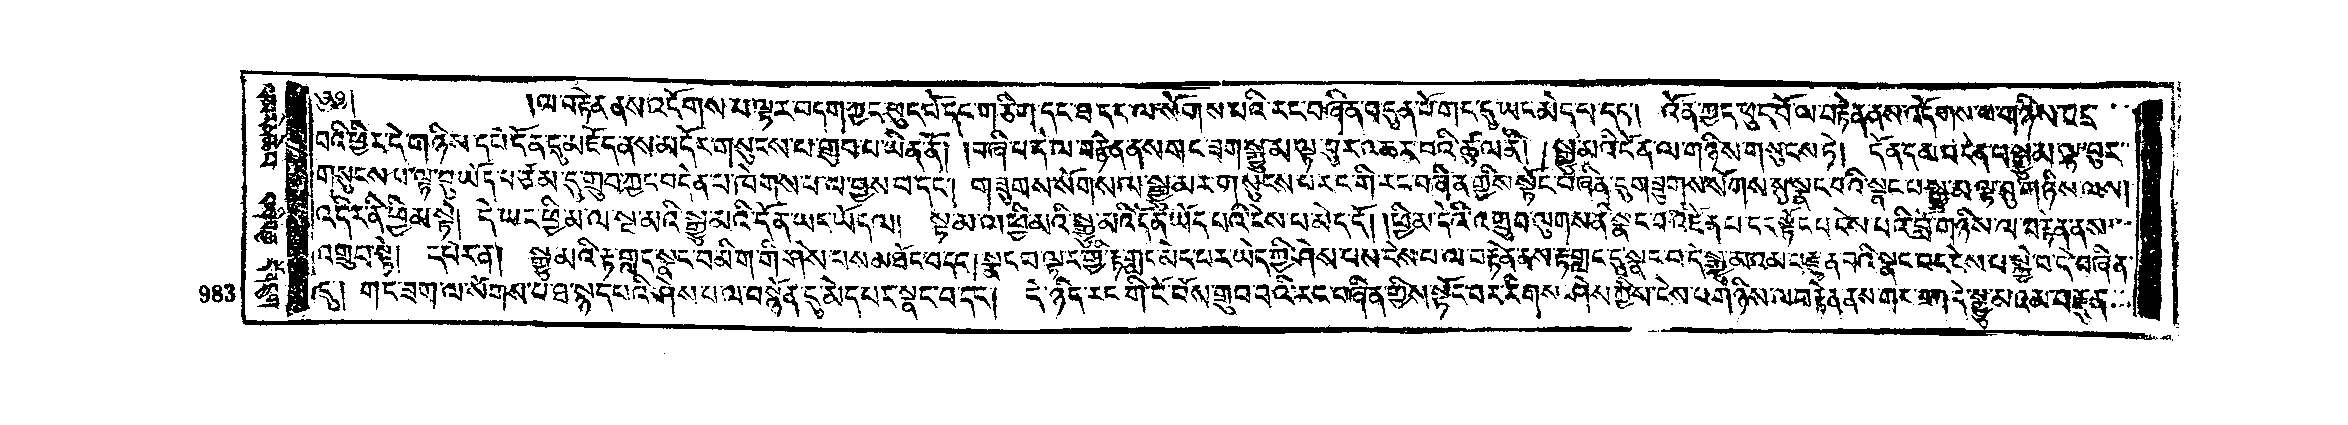༄༅། །ལ་བརྟེན་ནས་འདོགས་པ་ལྟར་བདག་ཀྱང་ཕུང་པོ་དང་གཅིག་དང་ཐ་དད་ལ་སོགས་པའི་རང་བཞིན་བདུན་པོ་གང་དུ་ཡང་མེད་པ་དང་། འོན་ཀྱང་ཕུང་པོ་ལ་བརྟེན་ནས་འདོགས་པ་གཉིས་འདྲ་
བའི་ཕྱིར་དེ་གཉིས་དཔེ་དོན་དུ་མཛད་ནས་མདོར་གསུངས་པ་གྲུབ་པ་ཡིན་ནོ། །བཞི་པ་དེ་ལ་བརྟེན་ནས་གང་ཟག་སྒྱུ་མ་ལྟ་བུར་འཆར་བའི་ཚུལ་ནི། སྒྱུ་མའི་དོན་ལ་གཉིས་གསུངས་ཏེ། དོན་དམ་བདེན་པ་སྒྱུ་མ་ལྟ་བུར་
གསུངས་པ་ལྟ་བུ་ཡོད་པ་ཙམ་དུ་གྲུབ་ཀྱང་བདེན་པ་ཁེགས་པ་ལ་བྱས་བ་དང་། གཟུགས་སོགས་ལ་སྒྱུ་མར་གསུངས་པ་རང་གི་རང་བཞིན་གྱིས་སྟོང་བཞིན་དུ་གཟུགས་སོགས་སུ་སྣང་བའི་སྣང་བ་སྒྱུ་མ་ལྟ་བུ་གཉིས་ལས།
འདིར་ནི་ཕྱི་མ་སྟེ། དེ་ཡང་ཕྱི་མ་ལ་སྔ་མའི་སྒྱུ་མའི་དོན་ཡང་ཡོད་ལ། སྔ་མ་ལ་ཕྱི་མའི་སྒྱུ་མའི་དོན་ཡོད་པའི་ངེས་པ་མེད་དོ། །ཕྱི་མ་དེའི་འགྲུབ་ལུགས་ནི་སྣང་བ་འཛིན་པ་དང་སྟོང་པ་ངེས་པའི་བློ་གཉིས་ལ་བརྟེན་ནས་
འགྲུབ་སྟེ། དཔེར་ན། སྒྱུ་མའི་རྟ་གླང་སྣང་བ་མིག་གི་ཤེས་པས་མཐོང་བ་དང་། སྣང་བ་ལྟར་གྱི་རྟ་གླང་མེད་པར་ཡིད་ཀྱི་ཤེས་པས་ངེས་པ་ལ་བརྟེན་ནས་རྟ་གླང་དུ་སྣང་བ་དེ་སྒྱུ་མའམ་བརྫུན་པའི་སྣང་བར་ངེས་པ་སྐྱེ་བ་དེ་བཞིན་
དུ༑ གང་ཟག་ལ་སོགས་པ་ཐ་སྙད་པའི་ཤེས་པ་ལ་བསྙོན་དུ་མེད་པར་སྣང་བ་དང་། དེ་ཉིད་རང་གི་ངོ་བོས་གྲུབ་པའི་རང་བཞིན་གྱིས་སྟོང་བར་རིགས་ཤེས་ཀྱིས་ངེས་པ་གཉིས་ལ་བརྟེན་ནས་གང་ཟག་དེ་སྒྱུ་མའམ་བརྫུན་